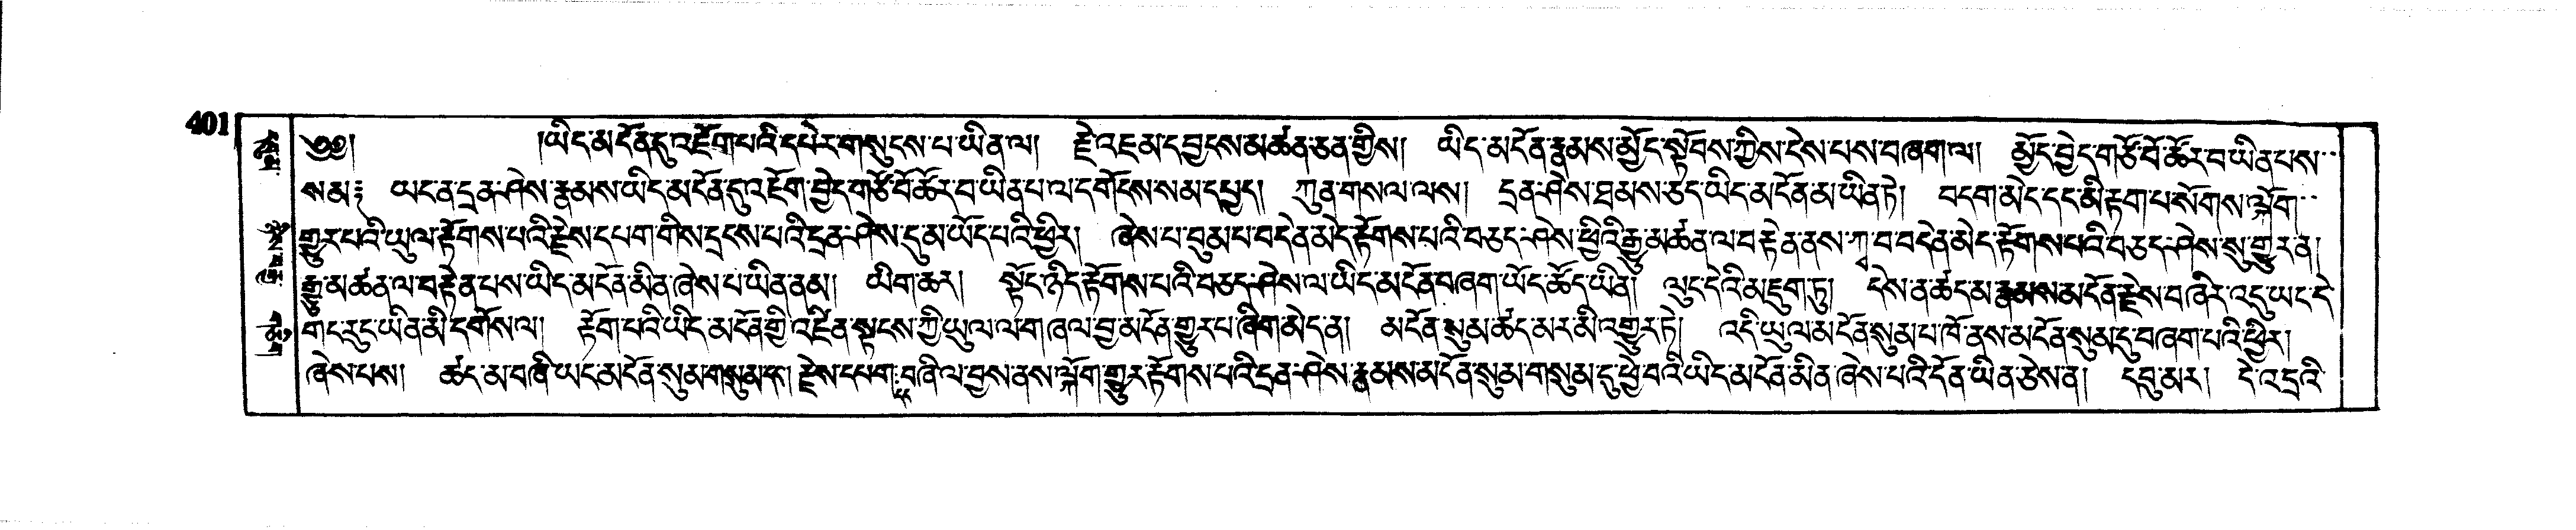༄༅། །ཡིད་མངོན་དུ་འཇོག་པའི་དཔེར་གསུངས་པ་ཡིན་ལ། རྗེ་འཇམ་དབྱངས་མཚན་ཅན་གྱིས། ཡིད་མངོན་རྣམས་མྱོང་སྟོབས་ཀྱིས་ངེས་པས་བཞག་ལ། མྱོང་བྱེད་གཙོ་བོ་ཚོར་བ་ཡིན་པས་
སམ༑ ཡང་ན་དྲན་ཤེས་རྣམས་ཡིད་མངོན་དུ་འཇོག་བྱེད་གཙོ་བོ་ཚོར་བ་ཡིན་པ་ལ་དགོངས་སམ་དཔྱད། ཀུན་གསལ་ལས། དྲན་ཤེས་ཐམས་ཅད་ཡིད་མངོན་མ་ཡིན་ཏེ། བདག་མེད་དང་མི་རྟག་པ་སོགས་ལྐོག་
གྱུར་པའི་ཡུལ་རྟོགས་པའི་རྗེས་དཔག་གིས་དྲངས་པའི་དྲན་ཤེས་དུ་མ་ཡོད་པའི་ཕྱིར། ཞེས་པ་བུམ་པ་བདེན་མེད་རྟོགས་པའི་བཅད་ཤེས་ཕྱིའི་རྒྱུ་མཚན་ལ་བརྟེན་ནས་ཀྭ་བ་བདེན་མེད་རྟོགས་པའི་བཅད་ཤེས་སུ་གྱུར་ན།
རྒྱུ་མཚན་ལ་བརྟེན་པས་ཡིད་མངོན་མིན་ཞེས་པ་ཡིན་ནམ། ཡིག་ཆར། སྟོང་ཉིད་རྟོགས་པའི་བཅད་ཤེས་ལ་ཡིད་མངོན་བཞག་ཡོད་ཚོད་ཡིན། ལུང་དེའི་མཇུག་ཏུ། དེས་ན་ཚད་མ་རྣམས་མངོན་རྗེས་བཞིར་འདུ་ཡང་དེ་
གང་རུང་ཡིན་མི་དགོས་ལ། རྟོག་པའི་ཡིད་མངོན་གྱི་འཛིན་སྟངས་ཀྱི་ཡུལ་ལ་གཞལ་བྱ་མངོན་གྱུར་པ་ཞིག་མེད་ན། མངོན་སུམ་ཚད་མར་མི་འགྱུར་ཏེ། འདི་ཡུལ་མངོན་སུམ་པ་ཁོ་ནས་མངོན་སུམ་དུ་བཞག་པའི་ཕྱིར།
ཞེས་པས། ཚད་མ་བཞི་ཡང་མངོན་སུམ་གསུམ་དང་། རྗེས་དཔག་དང་བཞི་ལ་བྱས་ནས་ལྐོག་གྱུར་རྟོགས་པའི་དྲན་ཤེས་རྣམས་མངོན་སུམ་གསུམ་དུ་ཕྱེ་བའི་ཡིད་མངོན་མིན་ཞེས་པའི་དོན་ཡིན་ཅེས་ན། དབུ་མར། དེ་འདྲའི་